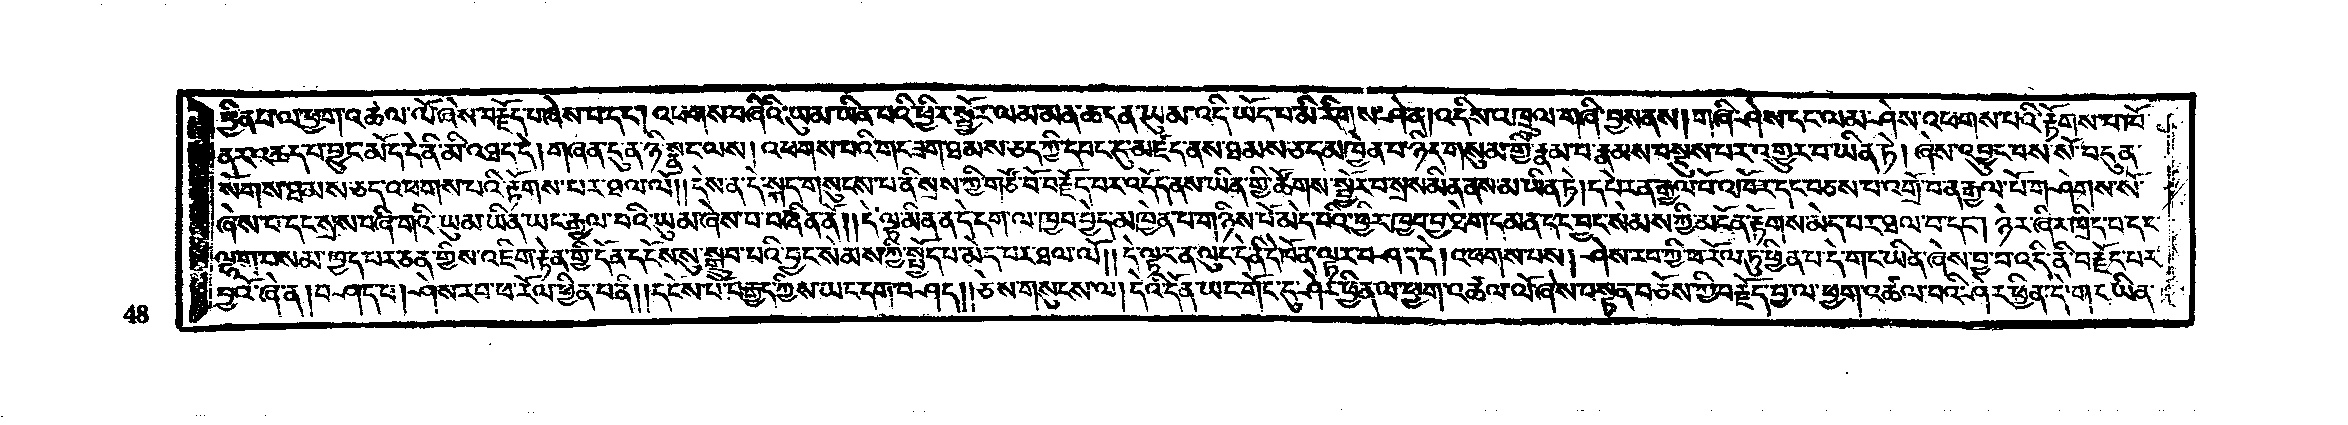ཕྱིན་པ་ལ་ཕྱག་འཚལ་ལོ་ཞེས་བརྗོད་པ་ཞེས་པ་དང་། འཕགས་བཞིའི་ཡུམ་ཡིན་པའི་ཕྱིར་སྦྱོར་ལམ་མན་ཆད་ན་ཡུམ་འདི་ཡོད་པ་མི་རིགས་ཤེ་ན། འདིས་འཁྲུལ་གཞི་བྱས་ནས། གཞི་ཤེས་དང་ལམ་ཤེས་འཕགས་པའི་རྟོགས་པ་ཁོ་
ནར་འཆད་པ་བྱུང་མོད་དེ་ནི་མི་འཐད་དེ། གཞན་དུ་ན་ཉི་སྣང་ལས། འཕགས་པའི་གང་ཟག་ཐམས་ཅད་ཀྱི་དབང་དུ་མཛད་ནས་ཐམས་ཅད་མཁྱེན་པ་ཉིད་གསུམ་གྱི་རྣམ་པ་རྣམས་བསྡུས་པར་འགྱུར་བ་ཡིན་ཏེ། ཞེས་འབྱུང་བས་སོ་བདུན་
སོགས་ཐམས་ཅད་འཕགས་པའི་རྟོགས་པར་ཐལ་ལོ། །དེས་ན་དེ་སྐད་གསུངས་པ་ནི་སྲས་ཀྱི་གཙོ་བོ་བརྗོད་པར་འདོད་ནས་ཡིན་གྱི་ཚོགས་སྦྱོར་བ་སྲས་མིན་ནས་མ་ཡིན་ཏེ། དཔེར་ན་རྒྱལ་པོ་འཁོར་དང་བཅས་པ་འགྲོ་བ་ན་རྒྱལ་པོ་གཤེགས་སོ་
ཞེས་པ་དང་སྲས་བཞི་གའི་ཡུམ་ཡིན་ཡང་རྒྱལ་བའི་ཡུམ་ཞེས་པ་བཞིན་ནོ། །དེ་ལྟ་མིན་ན་དེ་དག་ལ་ཁྱབ་བྱེད་མཁྱེན་པ་གཉིས་པོ་མེད་པའི་ཕྱིར་ཁྱབ་བྱ་ཐེག་དམན་དང་བྱང་སེམས་ཀྱི་མངོན་རྟོགས་མེད་པར་ཐལ་བ་དང་། ཉེར་ཞིར་ཁྲིད་པ་དང་
ལྷག་བསམ་ཁྱད་པར་ཅན་གྱིས་འཇིག་རྟེན་གྱི་དོན་དངོས་སུ་སྒྲུབ་པའི་བྱང་སེམས་ཀྱི་སྤྱོད་པ་མེད་པར་ཐལ་ལོ། །དེ་ལྟར་ན་ལུང་དེ་ནི་དེ་ཁོ་ན་ལྟར་བཤད་དེ། འཕགས་པས། ཤེས་རབ་ཀྱི་ཕ་རོལ་ཏུ་ཕྱིན་པ་དེ་གང་ཡིན་ཞེས་བྱ་བ་འདི་ནི་བརྗོད་པར་
བྱའོ་ཞེ་ན། བཤད་པ། ཤེས་རབ་ཕ་རོལ་ཕྱིན་པ་ནི། །དངོས་པོ་བརྒྱད་ཀྱིས་ཡང་དག་བཤད། །ཅེས་གསུངས་ལ། དེའི་དོན་ཡང་གོང་དུ་ཤེར་ཕྱིན་ལ་ཕྱག་འཚལ་ལོ་ཞེས་བསྟན་བཅོས་ཀྱི་བརྗོད་བྱ་ལ་ཕྱག་འཚལ་བའི་ཤེར་ཕྱིན་དེ་གང་ཡིན་